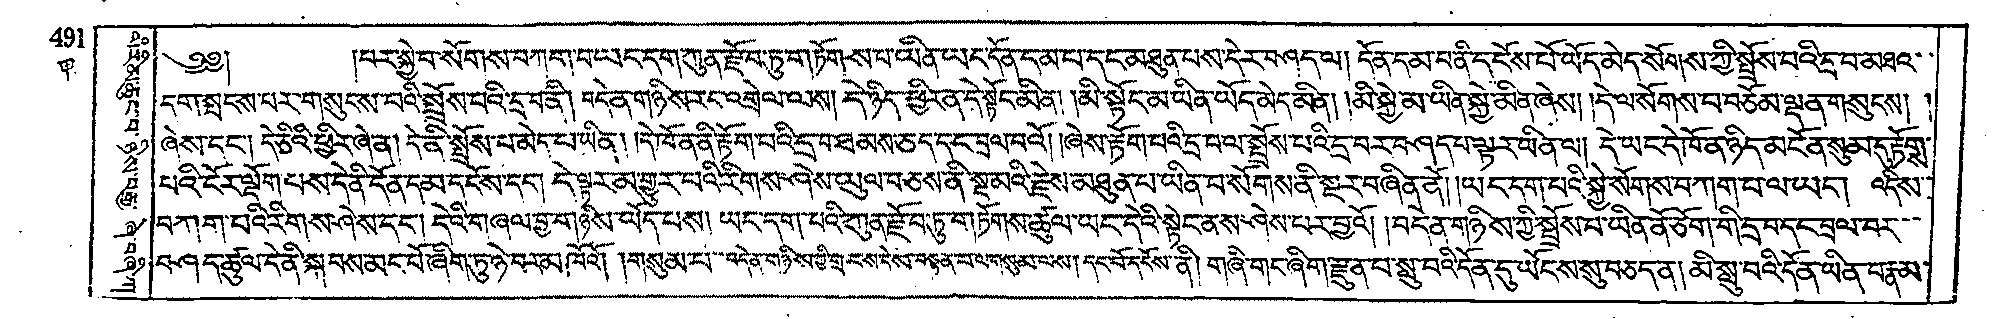༄༅། །པར་སྐྱེ་བ་སོགས་བཀག་པ་ཡང་དག་ཀུན་རྫོབ་ཏུ་གཏོགས་པ་ཡིན་ཡང་དོན་དམ་པ་དང་མཐུན་པས་དེར་བཤད་ལ། དོན་དམ་པ་ནི་དངོས་པོ་ཡོད་མེད་སོགས་ཀྱི་སྤྲོས་པའི་དྲ་བ་མཐའ་
དག་སྤངས་པར་གསུངས་པའི་སྤྲོས་པའི་དྲ་བ་ནི། བདེན་གཉིས་རང་འགྲེལ་ལས། དེ་ཉིད་ཕྱིར་ན་དེ་སྟོང་མིན། །མི་སྟོང་མ་ཡིན་ཡོད་མེད་མིན། །མི་སྐྱེ་མ་ཡིན་སྐྱེ་མིན་ཞེས། །དེ་ལ་སོགས་པ་བཅོམ་ལྡན་གསུངས། །
ཞེས་དང་། དེ་ཅིའི་ཕྱིར་ཞེ་ན། དེ་ནི་སྤྲོས་པ་མེད་པ་ཡིན། །དེ་ཁོ་ན་ནི་རྟོག་པའི་དྲ་བ་ཐམས་ཅད་དང་བྲལ་བའོ། །ཞེས་རྟོག་པའི་དྲ་བ་ལ་སྤྲོས་པའི་དྲ་བར་བཤད་པ་ལྟར་ཡིན་ལ། དེ་ཡང་དེ་ཁོ་ན་ཉིད་མངོན་སུམ་དུ་རྟོགས་
པའི་ངོར་ལྡོག་པས་དེ་ནི་དོན་དམ་དངོས་དང་། དེ་ལྟར་མ་གྱུར་པའི་རིགས་ཤེས་ཡུལ་བཅས་ནི་སྔ་མའི་རྗེས་མཐུན་པ་ཡིན་པ་སོགས་ནི་སྔར་ཞིན་ནོ། །ཡང་དག་པའི་སྐྱེ་སོགས་བཀག་པ་ལ་ཡང་། འདིས་
བཀག་པའི་རིགས་ཤེས་དང་། དེའི་གཞལ་བྱ་གཉིས་ཡོད་པས། ཡང་དག་པའི་ཀུན་རྫོབ་ཏུ་གཏོགས་ཚུལ་ཡང་དེའི་སྟེང་ནས་ཤེས་པར་བྱའོ། །བདེན་གཉིས་ཀྱི་སྤྲོས་པ་ཡིན་ནོ་ཅོག་གི་དྲ་བ་དང་བྲལ་བར་
བཤད་ཚུལ་དེ་ནི་སྐབས་མང་པོ་ཞིག་ཏུ་ཉེ་བར་མཁོའོ། །གསུམ་པབདེན་གཉིས་ཀྱི་གྲངས་ངེས་བསྟན་པ་ལ་གསུམ་ལས། དང་པོ་དངོསྣི། གཞི་གང་ཞིག་རྫུན་པ་སླུ་བའི་དོན་དུ་ཡོངས་སུ་བཅད་ན། མི་སླུ་བའི་དོན་ཡིན་པ་རྣམ་